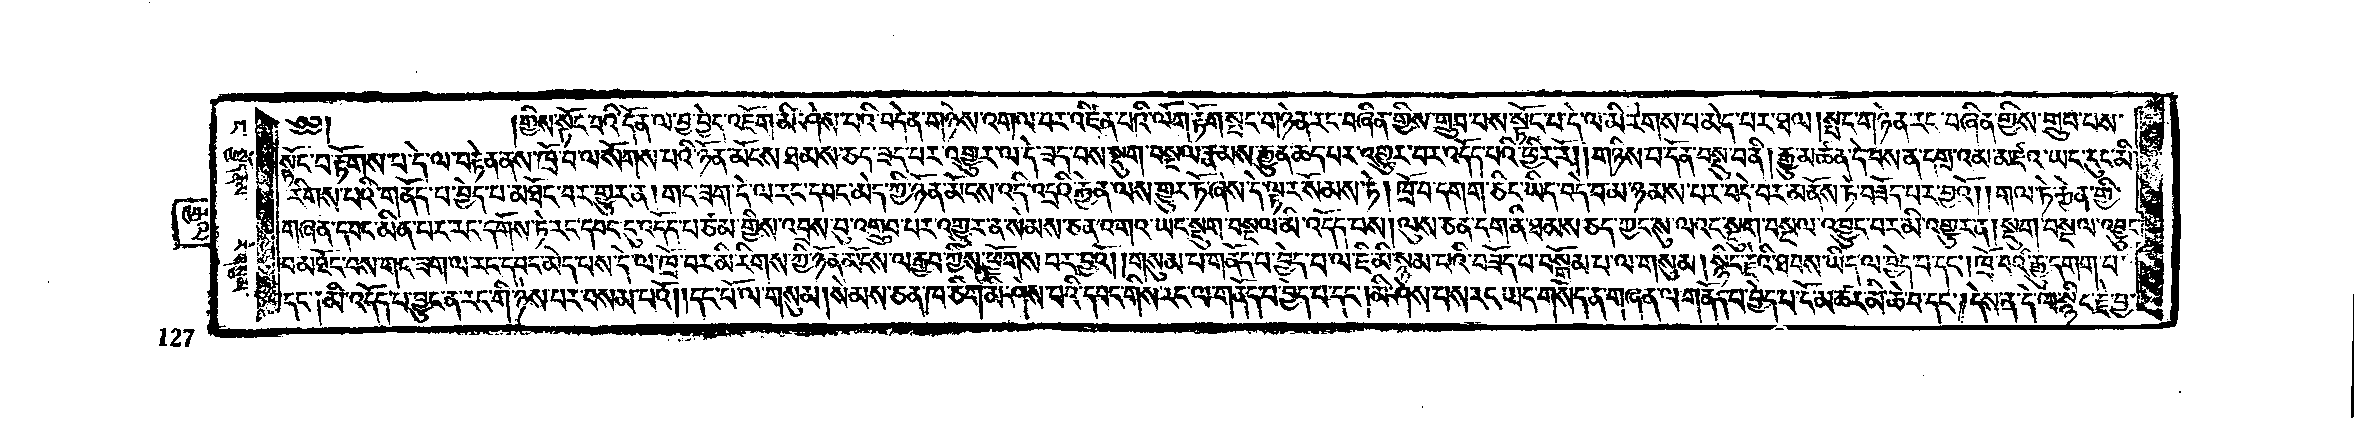༄༅། །གྱིས་སྟོང་པའི་དོན་ལ་བྱ་བྱེད་འཇོག་མི་ཤེས་པའི་བདེན་གཉེས་འགལ་བར་འཛིན་པའི་ལོག་རྟོག་སྤང་གཉེན་རང་བཞིན་གྱིས་གྲུབ་པས་སྟོང་པ་དེ་ལ་མིར་རིགས་པ་མེད་པར་ཐལ། སྤང་གཉེན་རང་བཞིན་གྱིས་གྲུབ་པས་
སྟོང་པ་རྟོགས་པ་དེ་ལ་བརྟེན་ནས་ཁྲོ་བ་ལ་སོགས་པའི་ཉོན་མོངས་ཐམས་ཅད་ཟད་པར་འགྱུར་ལ་དེ་ཟད་པས་སྡུག་བསྔལ་རྣམས་རྒྱུན་ཆད་པར་འགྱུར་བར་འདོད་པའི་ཕྱིར་རོ། །གཉིས་པ་དོན་བསྡུ་བ་ནི། རྒྱུ་མཚན་དེ་བས་ན་དགྲ་འམ་མཛའ་ཡང་རུང་མི་
རིགས་པའི་གནོད་པ་བྱེད་པ་མཐོང་བར་གྱུར་ན། གང་ཟག་དེ་ལ་རང་དབང་མེད་ཀྱི་ཉོན་མོངས་འདི་འདྲའི་རྐྱེན་ལས་གྱུར་ཏོ་ཞེས་དེ་ལྟར་སོགས་ཏེ། ཁྲོ་བ་དགག་ཅིང་ཡིད་བདེ་བ་མ་ཉམས་པར་བདེ་བར་མངོས་ཏེ་བཟོད་པར་བྱའོ། །གལ་ཏེ་རྐྱེན་གྱི་
གཞན་དབང་མིན་པར་རང་དགོས་ཏེ་རང་དབང་དུ་འདོད་པ་ཙམ་གྱིས་འབྲས་བུ་འགྲུབ་པར་འགྱུར་ན་སེམས་ཅན་འགའ་ཡང་སྡུག་བསྔལ་མི་འདོད་པས། ལུས་ཅན་དག་ནི་ཐམས་ཅད་ཀྱང་སུ་ལའང་སྡུག་བསྔལ་འབྱུང་བར་མི་འགྱུར་ན། སྡུག་བསྔལ་འབྱུང་
བ་མཐོང་བས་གང་ཟག་ལ་རང་དབང་མེད་པས་དེ་ལ་ཁྲོ་བར་མི་རིགས་ཀྱི་ཉོན་མོངས་ལ་རྒྱབ་ཀྱིས་ཕྱོགས་པར་བྱའོ། །གསུམ་པ་གནོད་པ་བྱེད་པ་ལ་ཇི་མི་སྙམ་པའི་བཟོད་པ་བསྒོམ་པ་ལ་གསུམ། སྙིང་རྗེའི་ཐབས་ཡིད་ལ་བྱེད་པ་དང་། ཁྲོ་བའི་རྒྱུ་དགག་པ་
དང༑ མི་འདོད་པ་བྱུང་ན་རང་གི་ཉེས་པར་བསམ་པའོ། །དང་པོ་ལ་གསུམ། སེམས་ཅན་ཁ་ཅིག་མི་ཤེས་པའི་དབང་གིས་རང་ལ་གནོད་པ་བྱེད་པ་དང་། མི་ཤེས་པས་རང་ཡང་གསོད་ན་གཞན་ལ་གནོད་པ་བྱེད་པ་པོ་མཚར་མི་ཆེ་བ་དང་། དེས་ན་དེ་ལ་སྙིང་རྗེ་བྱ་